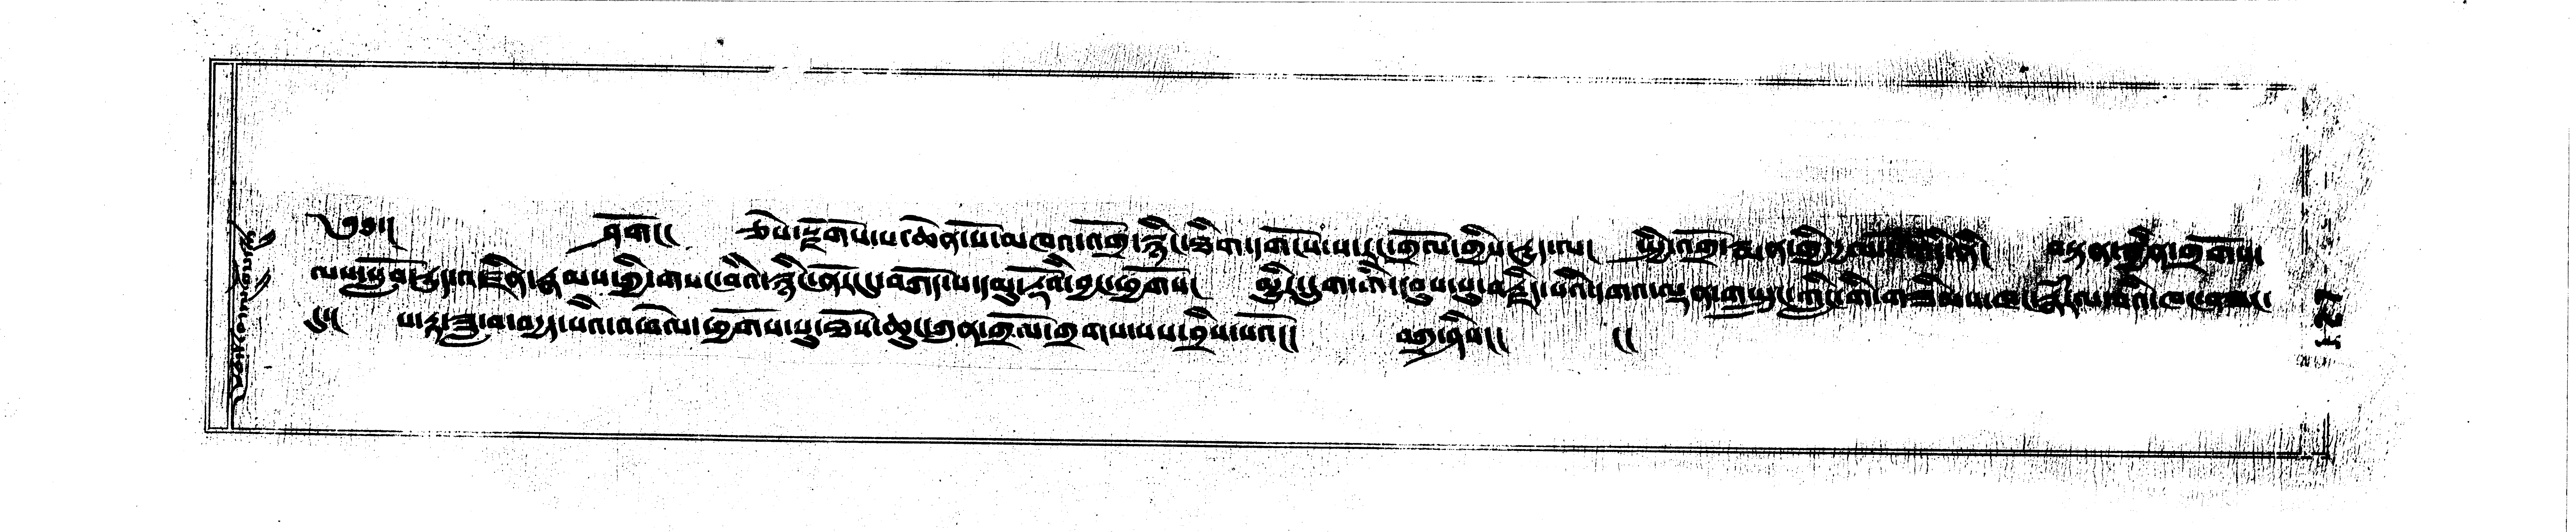ཤོག །ཅེས་རྫོགས་པ་ཆེན་པོ་མཁའ་འགྲོ་སྙིང་ཐིག་དགོངས་པ་རང་གྲོལ་གྱི་རྒྱུད་ལས། སྤྱི་འགྲོ་སྨན་གྱི་རྒྱལ་པོ་འདི་ནི། བསྟན་སྦྱིན་གྲོགས་
ལས་སློབ་རྒྱུད་འཛིན་རྣམས་ཀྱི་གསང་བའི་སྙིང་ནོར་དུ་བཀོད་པ་དམུ་རྡོའི་བྱང་ཕྱོགས། མི་འགྱུར་དྲུག་གི་དབུས་སུ་བརྗིད་པའི་དགའ་ལྡན་གཡུང་དྲུང་གླིང་གི་གཟིམས་ཁང་རྣམ་པར་རྒྱལ་བའི་ཁང་བཟང་
དུ། ས་རྟ་ཟླ་བ་བརྒྱད་པའི་འཕེལ་ཕྱོགས་སུ་ཐོས་ཆུང་ཀུན་གྲོལ་གྲགས་པས་བྲིས་པའོ།། །།